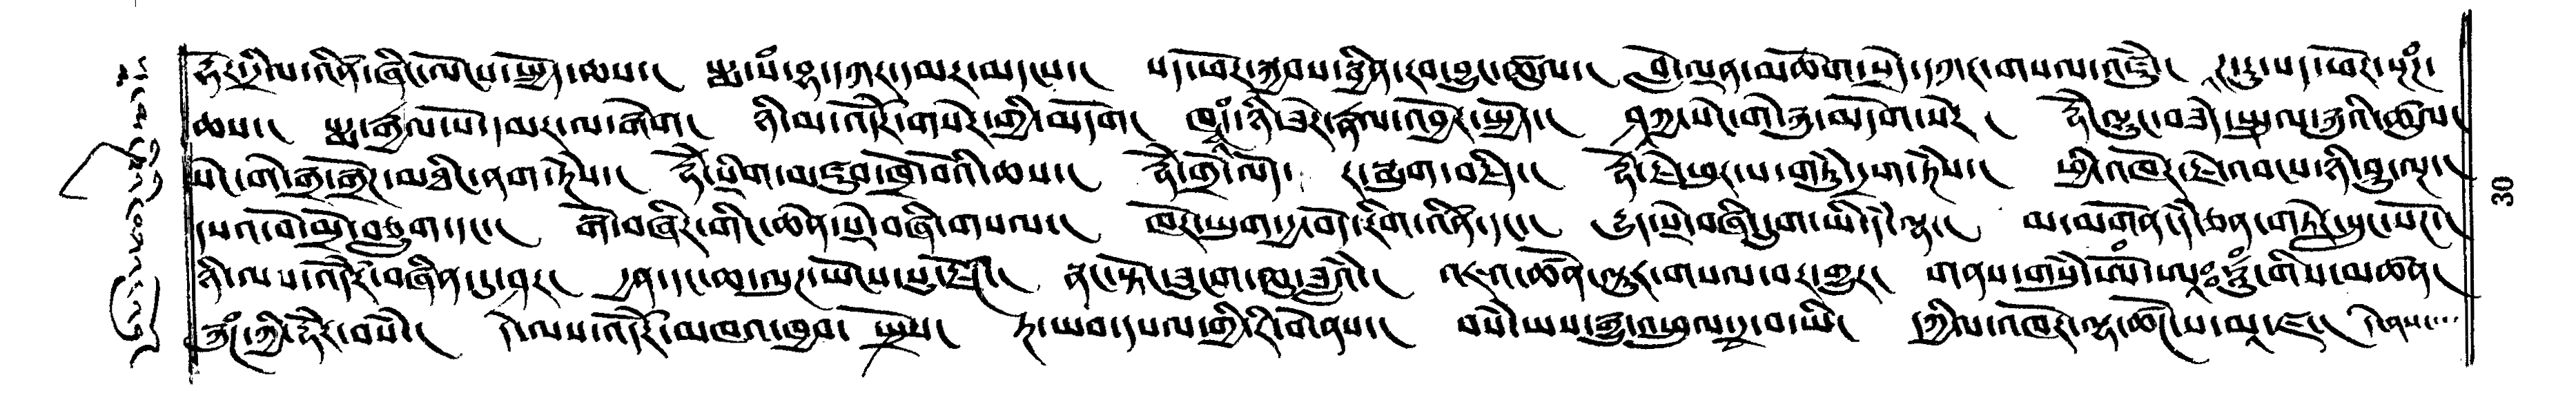རྡོར་དྲིལ་འཛིན་ཞིང་ལོངས་སྤྱོད་ཆས། །པདྨ་སཾ་བྷ་དཀར་དམར་མདངས། པད་ཕོར་སྐྱབས་སྦྱིན་རབ་བྱུང་ཚུལ། །བློ་ལྡན་མཆོག་སྲེད་དཀར་གསལ་འཛུམ། །ཌཱ་རུ་པད་ཕོར་སྔགས་འཆང་
ཆས། །པདྨ་རྒྱལ་པོ་དམར་ལ་སྒེག །ཉི་མ་འོད་ཟེར་གསེར་གྱི་མདོག །ཁ་ཊྭཾ་ཉི་ཟེར་རྣལ་འབྱོར་སྤྱོད། །ཤཱཀྱ་སེང་གེ་སྐུ་མདོག་སེར། །རྡོ་རྗེ་ལྷུང་བཟེད་སྤྲུལ་སྐུའི་ཚུལ། །
སེང་གེ་སྒྲ་སྒྲོག་མཐིང་ནག་རྔམས། །རྡོ་རྗེ་སྡིགས་མཛུབ་ཁྲོ་བོའི་ཆས། །རྡོ་རྗེ་གྲོ་ལོད་དམར་སྨུག་བརྗིད། །རྡོ་རྗེ་ཕུར་པ་གཏུམ་དྲག་རྔམས། །ཕྱི་འཁོར་རྗེ་འབངས་ཉི་ཤུ་ལྔ། །
དཔའ་བོ་མཁའ་འགྲོ་་བཅུ་དྲུག་དང་། །སྒོ་བཞིར་གིང་ཆེན་སྡེ་བཞི་གསལ། ཁོར་ཡུག་རྒྱ་བོད་རིག་འཛིན་དང་། །རྒྱུད་སྡེ་བཞི་དྲུག་ཡི་དམ་ལྷ། །མ་མགོན་དམ་ཅན་གཏེར་སྲུང་སོགས། །
ཉི་ལས་འོད་ཟེར་བཞིན་དུ་ཤར། །རྒྱན་དང་ཆ་ལུགས་ཡོངས་སུ་རྫོགས། །སྣང་སྟོང་ཟུང་འཇུག་ཆུ་ཟླའམ། །འཇའ་ཚོན་ལྟ་བུར་གསལ་བར་གྱུར། །གནས་གསུམ་ཨོཾ་ཨཱཿཧཱུྃ་གིས་མཚན། །
སྐུ་གསུང་ཐུགས་ཀྱི་རྡོ་རྗེར་བསམ། །དེ་ལས་འོད་ཟེར་མཁའ་ཁྱབ་སྤྲོས། །རྔ་ཡབ་དཔལ་གྱི་རི་བོ་ནས། །བསམ་ཡས་སྒྱུ་འཕྲུལ་དྲྭ་བ་ཡི། །དཀྱིལ་འཁོར་ལྷ་ཚོགས་ས་མཱ་ཛ། དེ་ནས་